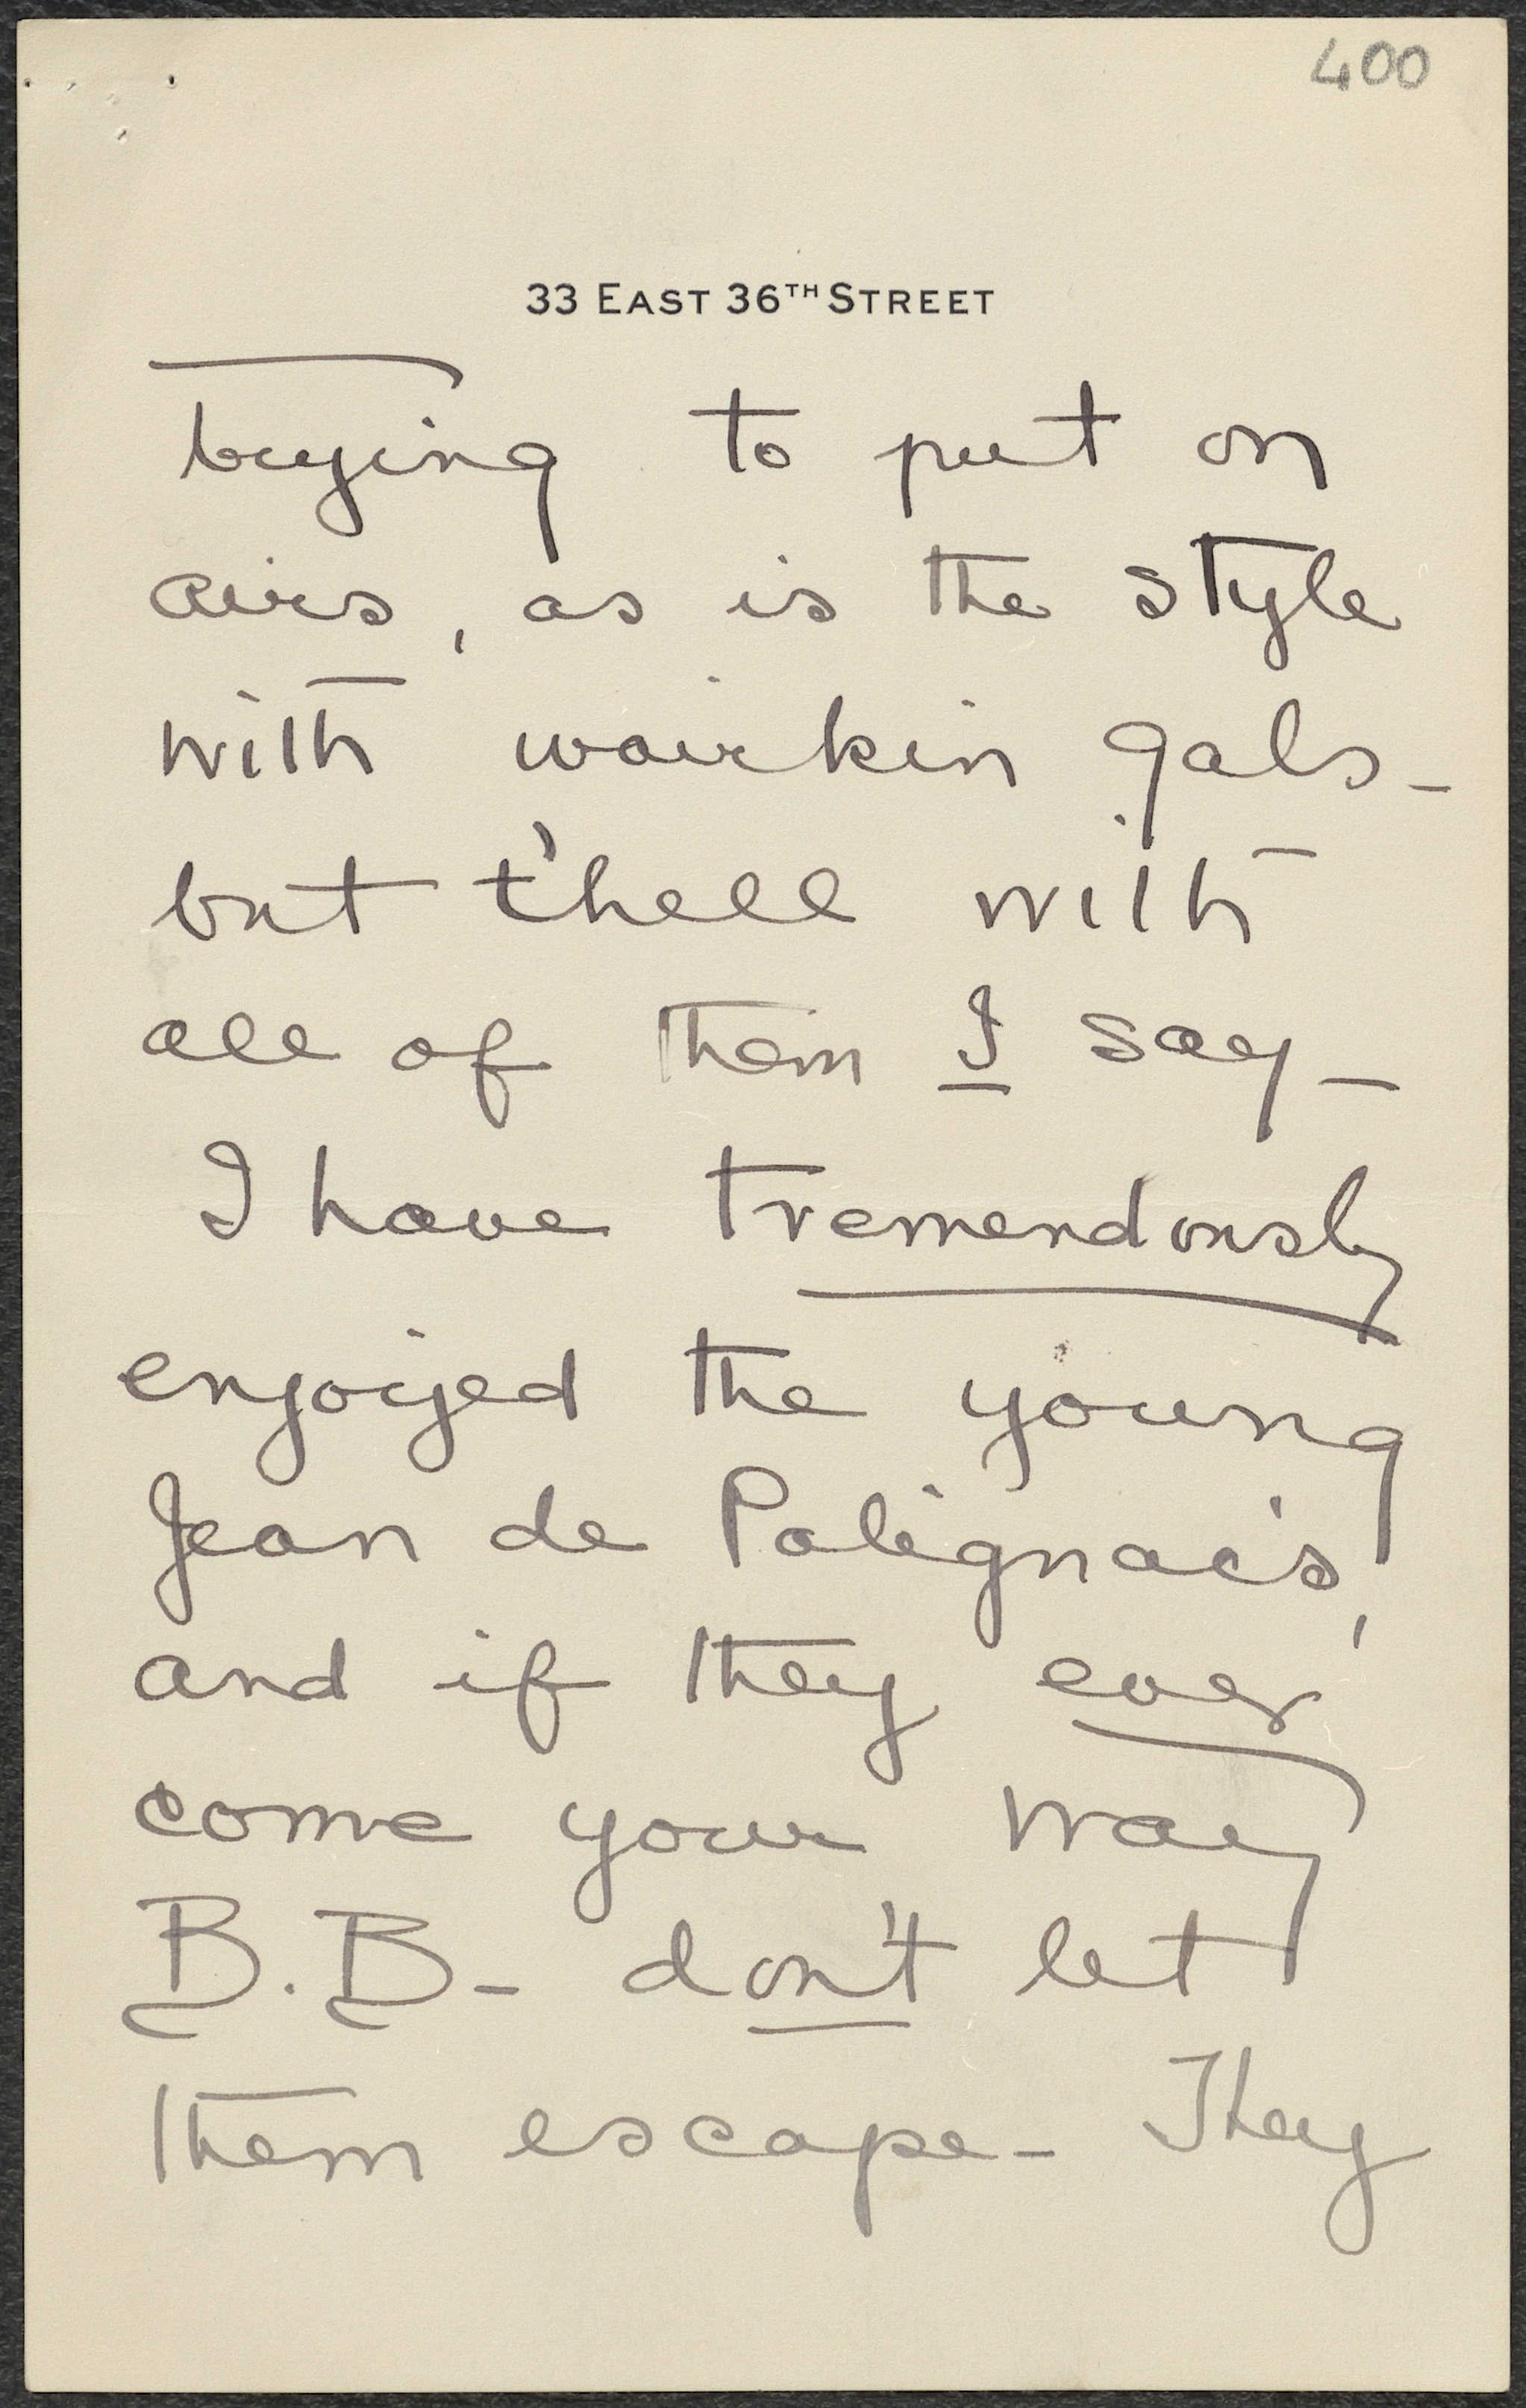trying to put on airs, as is the style with wairkin [i.e., “working”] gals – but t’hell with all of them I say –
I have tremendously enjoyed the young Jean de Polignac's, and if they ever come your way B.B – don’t let them escape – They